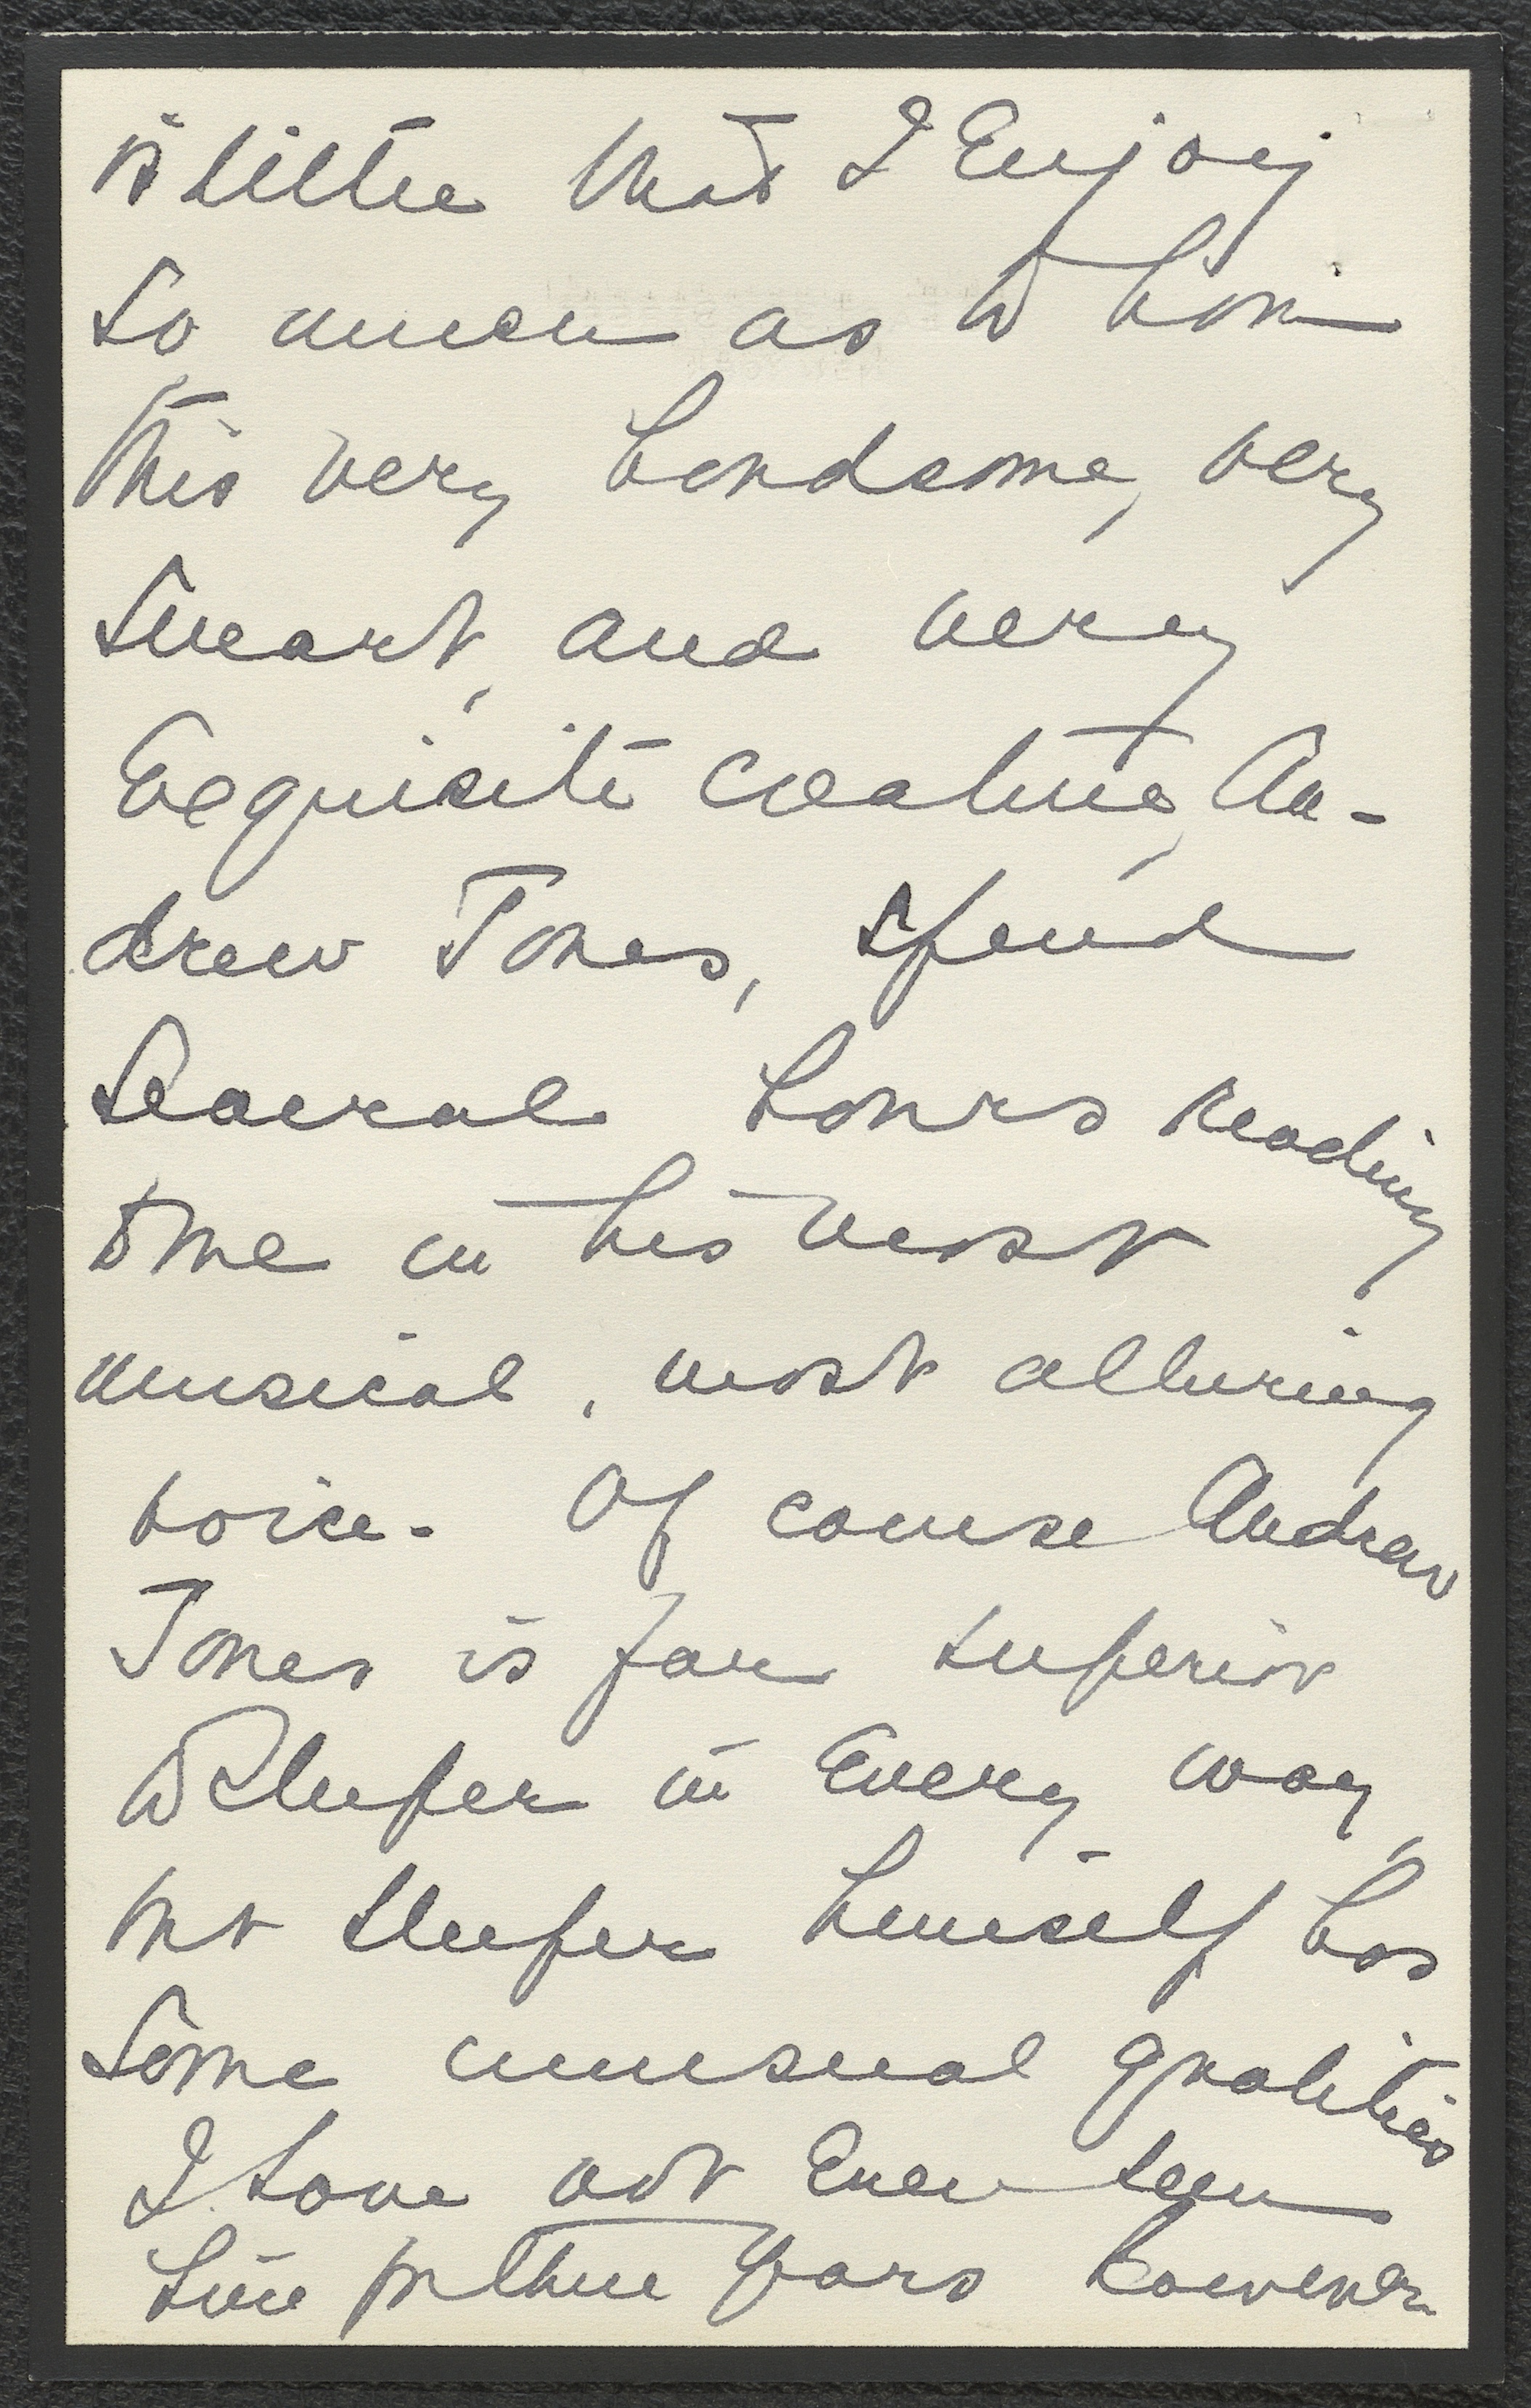is little that I enjoy so much as to have this very handsome, very smart, and very exquisite creature, Andrew Jones, spend several hours reading to me in his most musical, most alluring voice. Of course Andrew Jones is far superior to Sleeper in every way but Sleeper himself has some unusual qualities I have not ever seen since for three years however